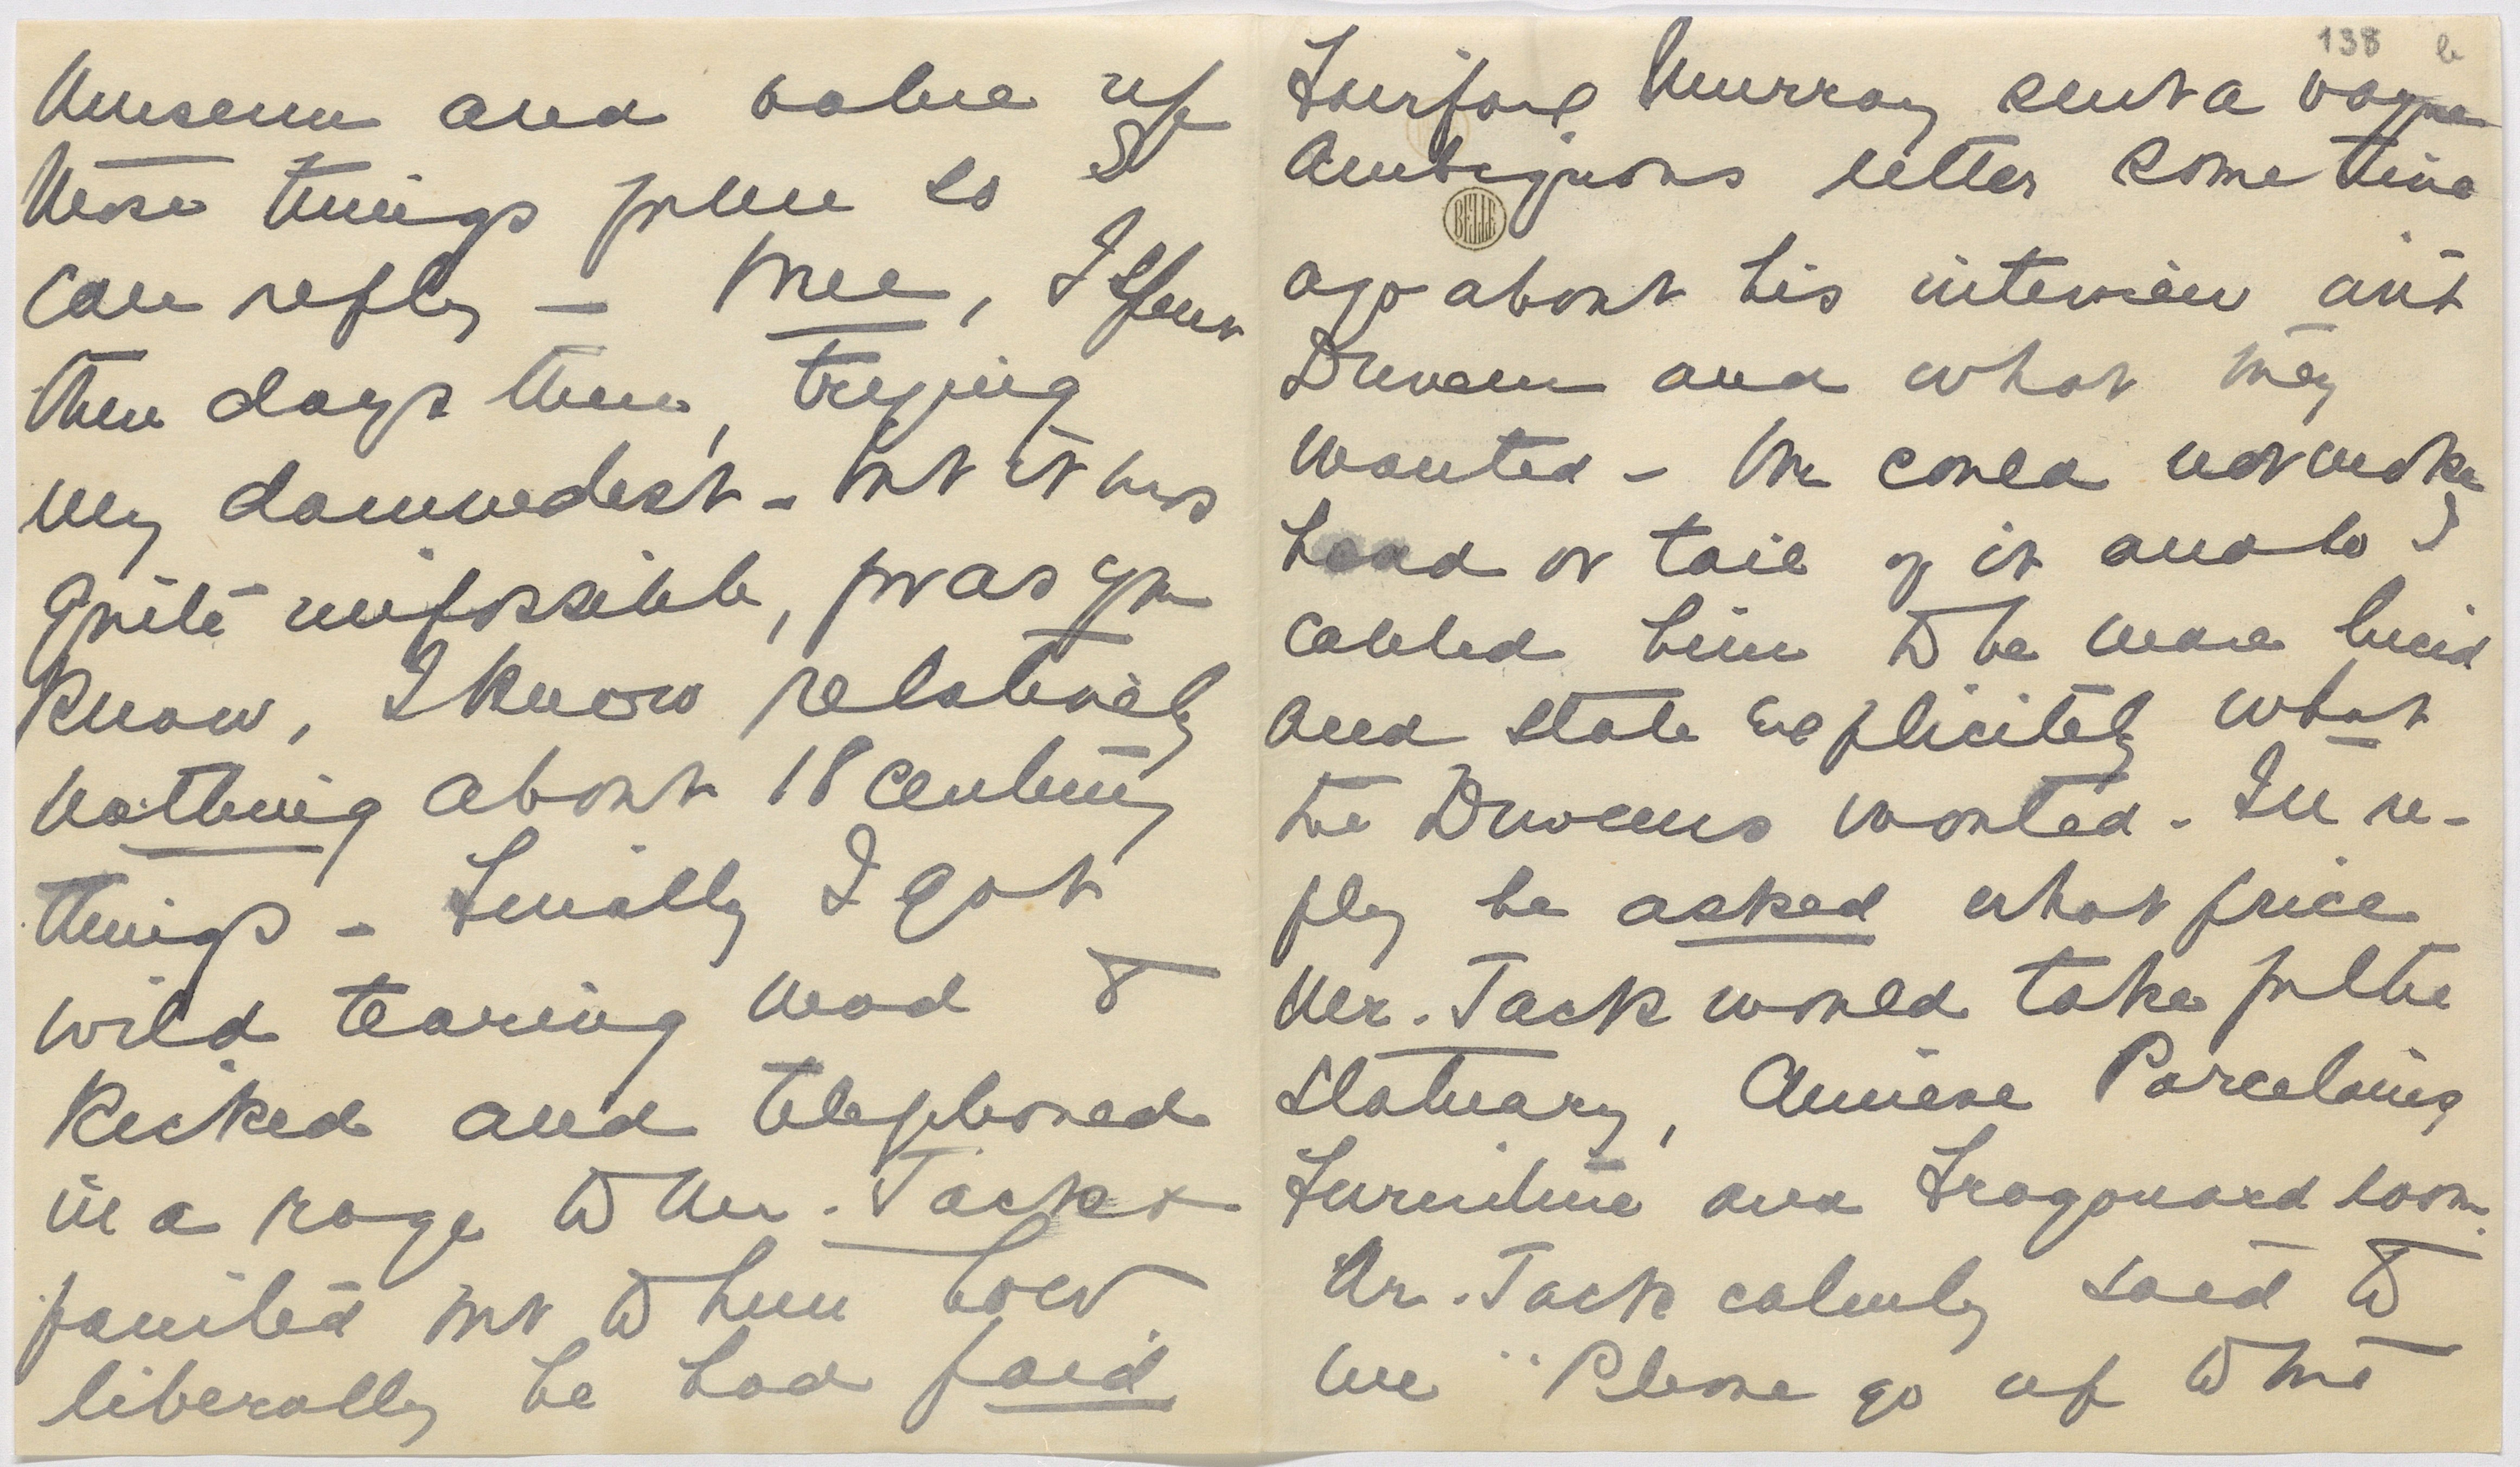Fairfax Murray sent a vague ambiguous letter some time ago about his interview with Duveen and what they wanted – We could not make head or tail of it and so I cabled him to be more lucid and state explicitly what the Duveens wanted. In reply he asked what price Mr. Jack would take for the statuary, Chinese Porcelains, Furniture and Fragonard lots. Mr. Jack calmly said to me “Please go up to the
Museum and value up those things for me so I can reply – well, I spent three days there trying my damnedest – but it was quite impossible, for as you know, I know relatively nothing about 18 century things – finally I got wild tearing mad & kicked and telephoned in a rage to Mr. Jack & pointed out to him how liberally he had paid